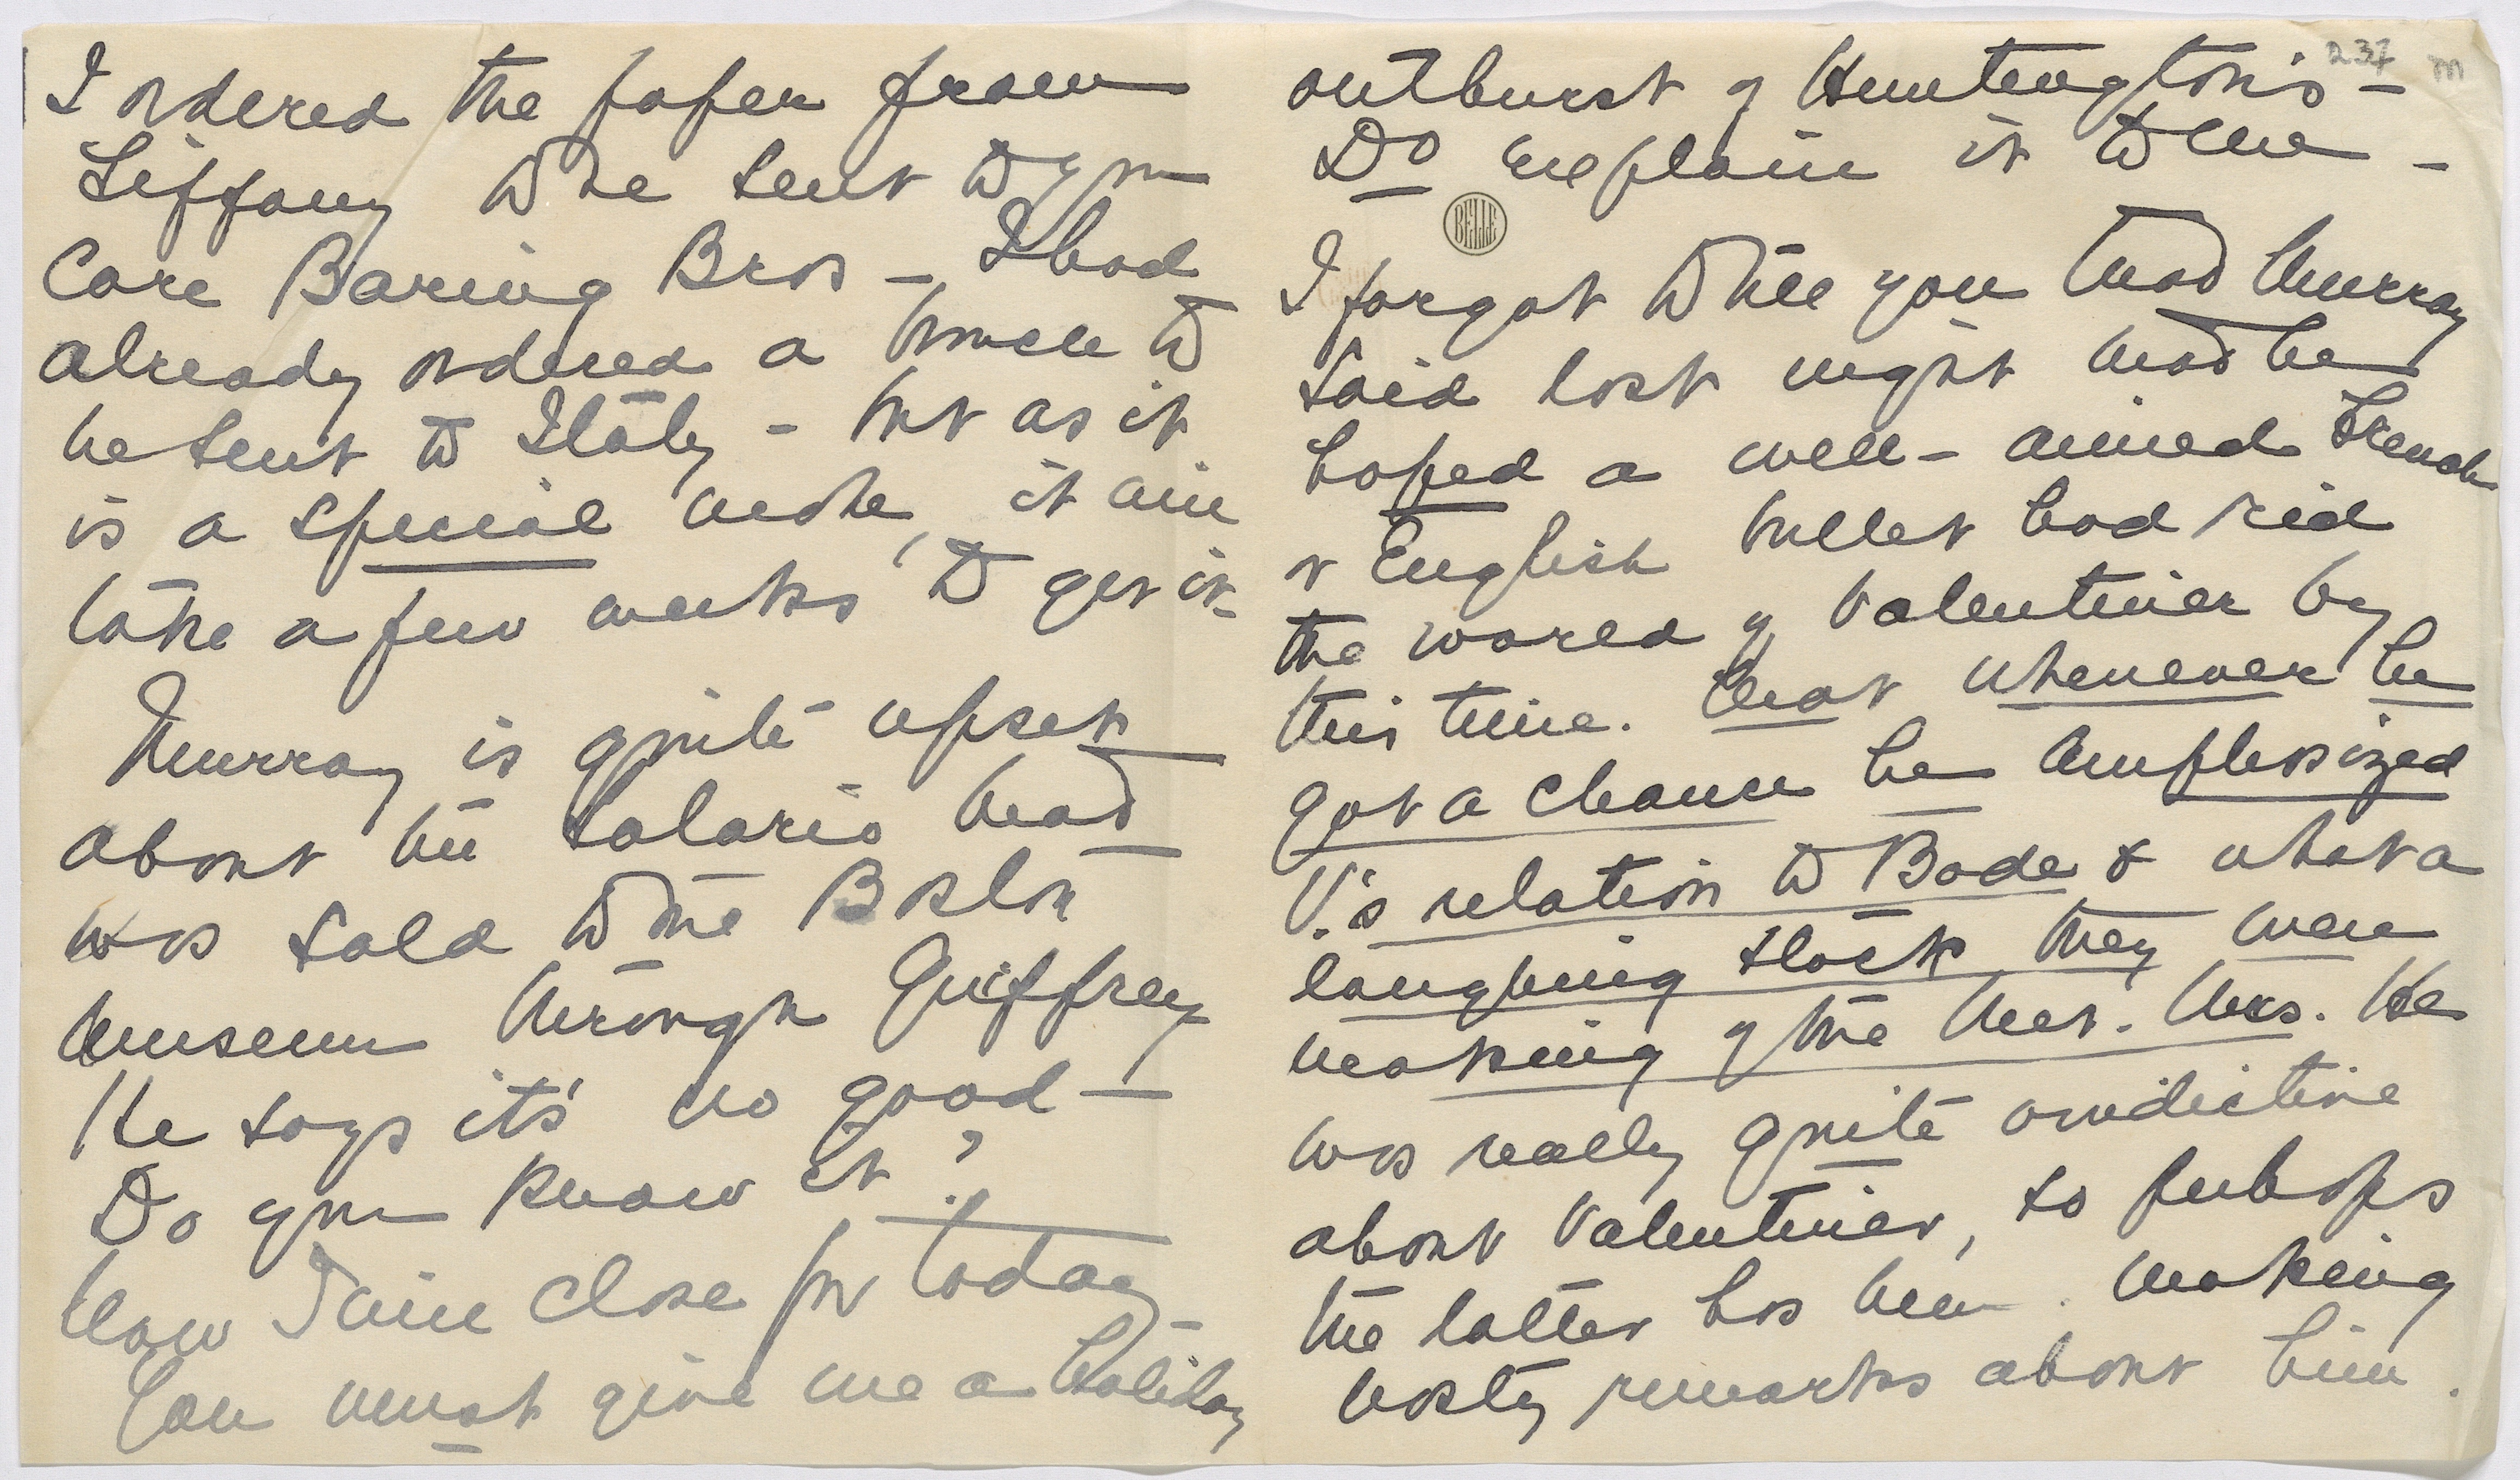outburst of Huntington’s – Do explain it to me – I forgot to tell you that Murray said last night that he hoped a well-aimed French or English bullet had rid the world of Valentiner by this time. That whenever he got a chance he emphasized V’s relation to Bode & what a laughing stock they were making of the Met. Mus. He was really quite vindictive about Valentiner, so perhaps the latter has been making nasty remarks about him.
I ordered the paper from Tiffany to be sent to your care Baring Bros I had already ordered a bunch to be sent to Italy – but as it is a special make, it will take a few weeks to get it –
Murray is quite upset about the Solario that was sold to the Boston Museum through Guiffrey – He says it’s no good – Do you know it?
Now I will close for today – you must give me a holiday